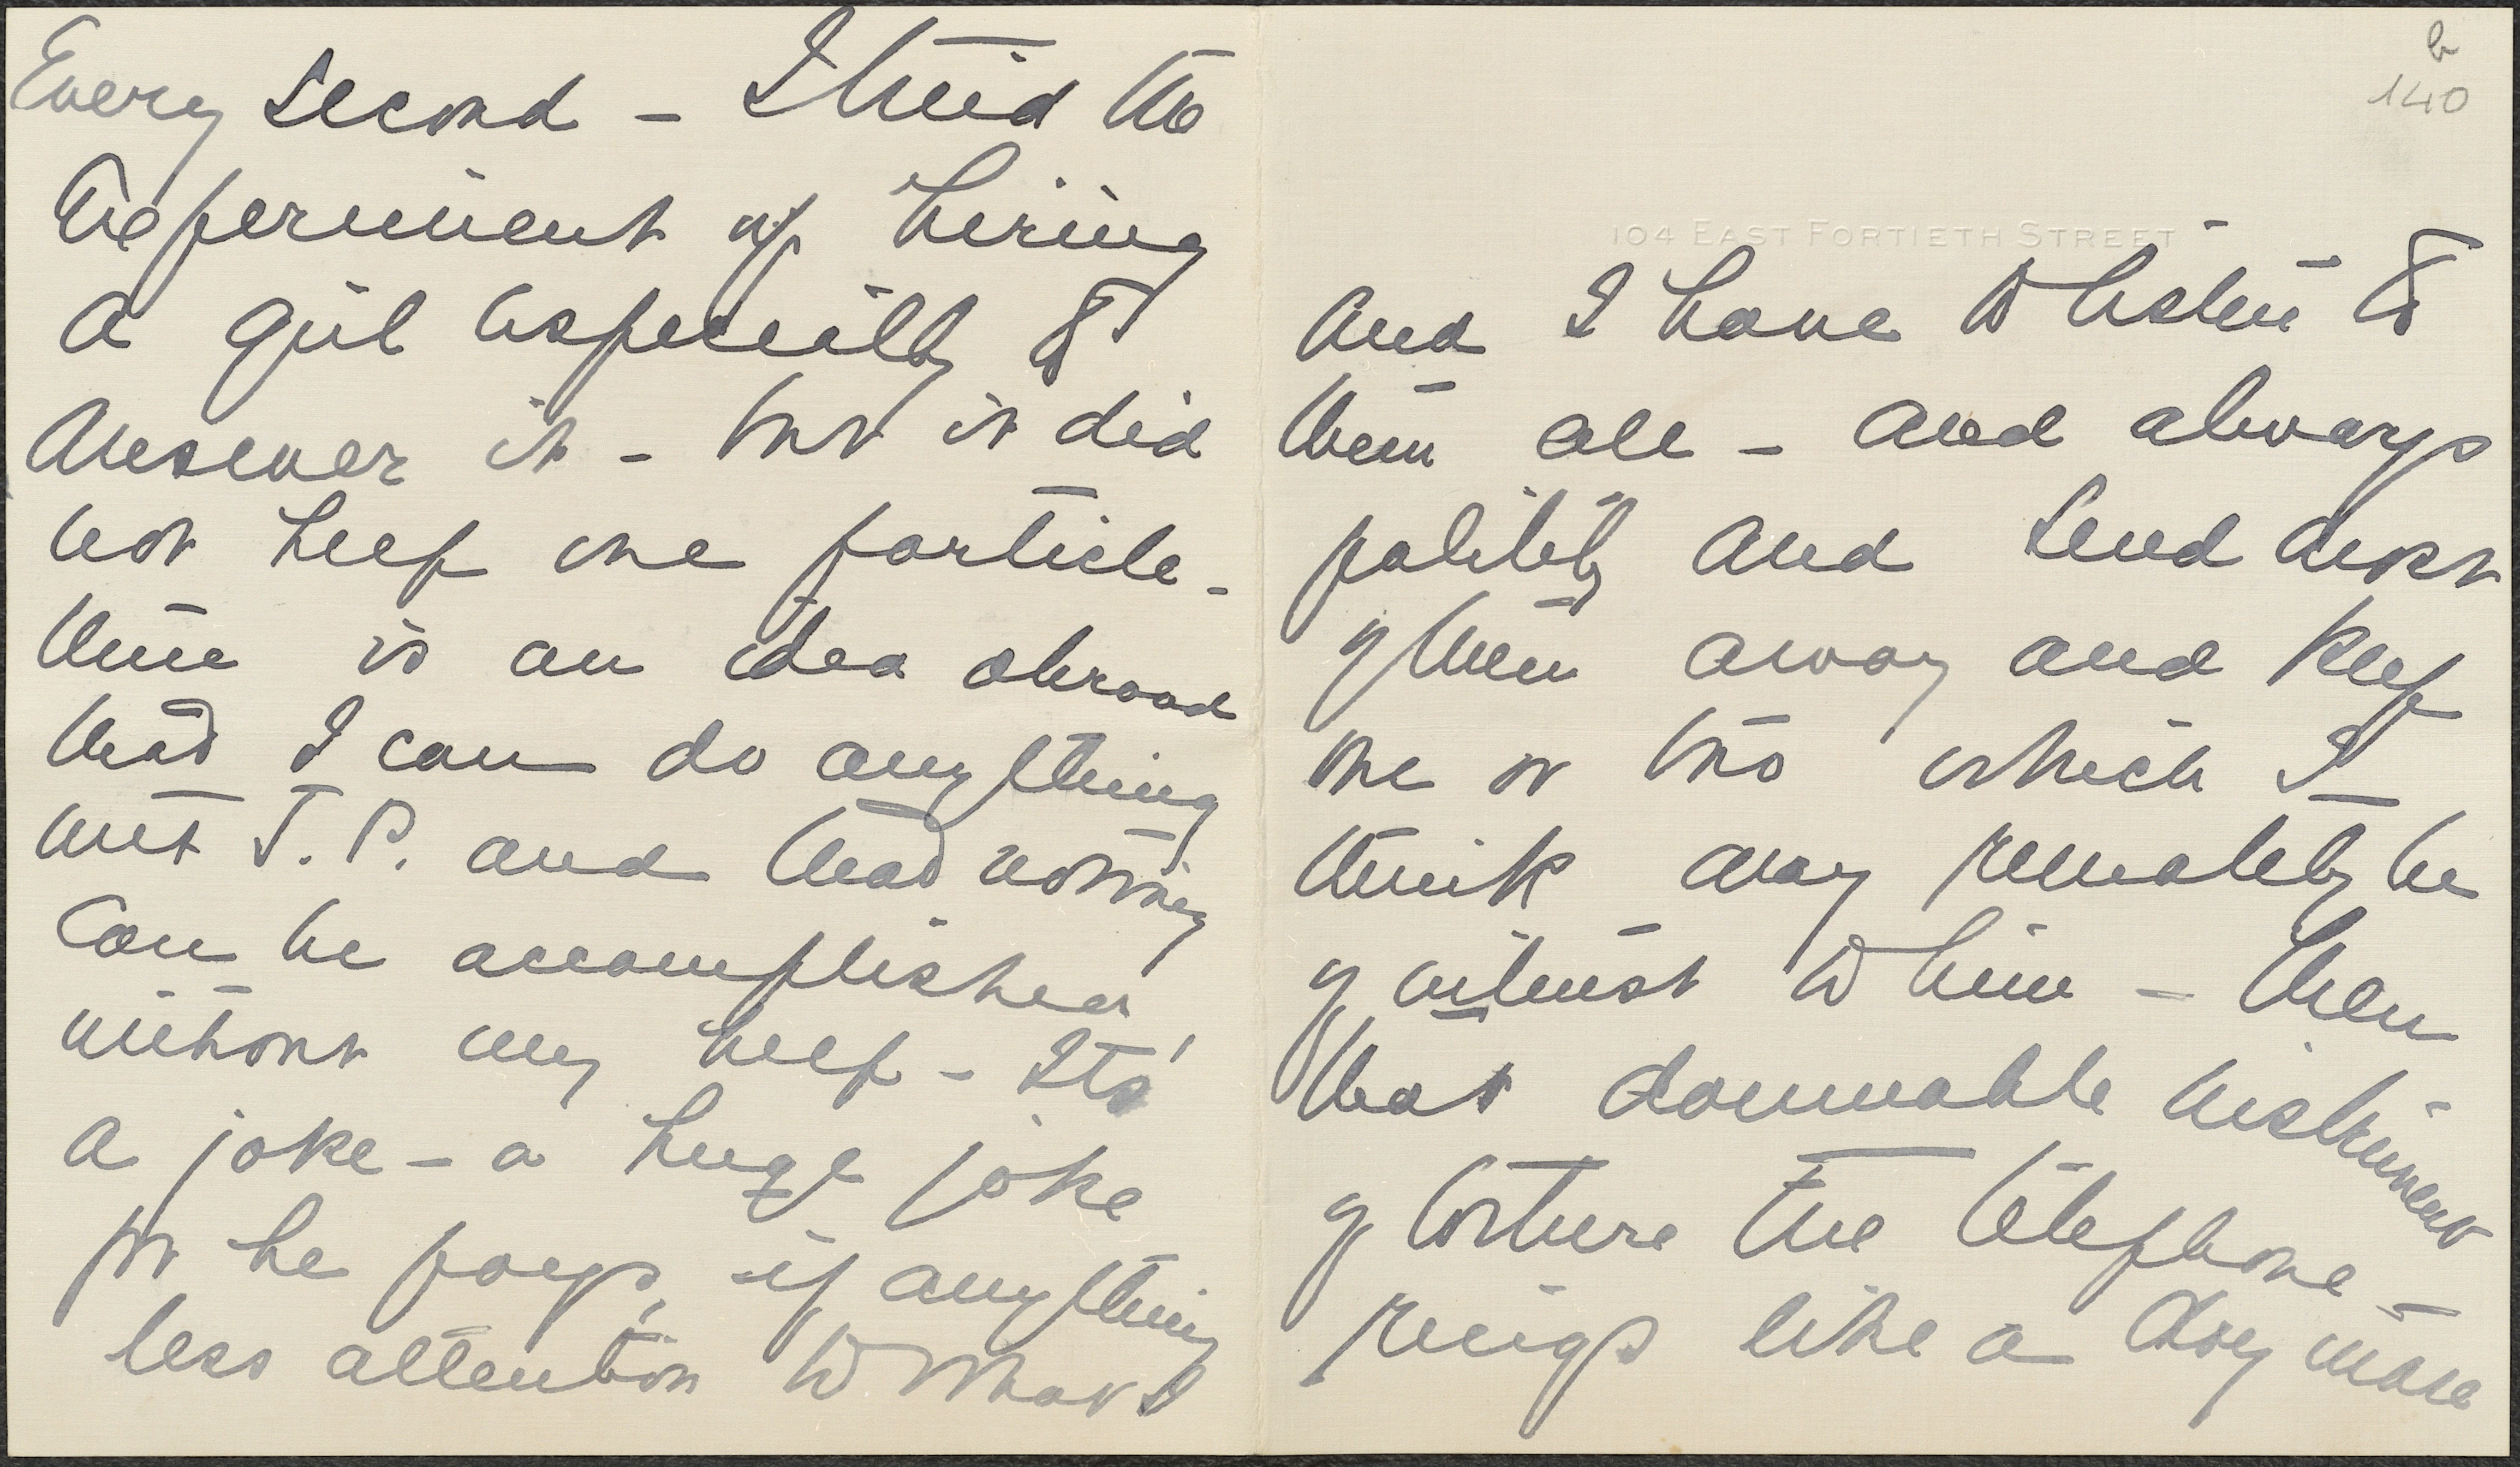and I have to listen to them all – and always politely and send most of them away and keep one or two which I think may remotely be of interest to him – Then that damnable instrument of torture the telephone – rings like a day mare
every second – I tried the experiment of hiring a girl especially to answer it – but it did not help one particle – There is an idea abroad that I can do anything with J. P. and that nothing can be accomplished without my help – It’s a joke – a huge joke for he pays if anything less attention to what I